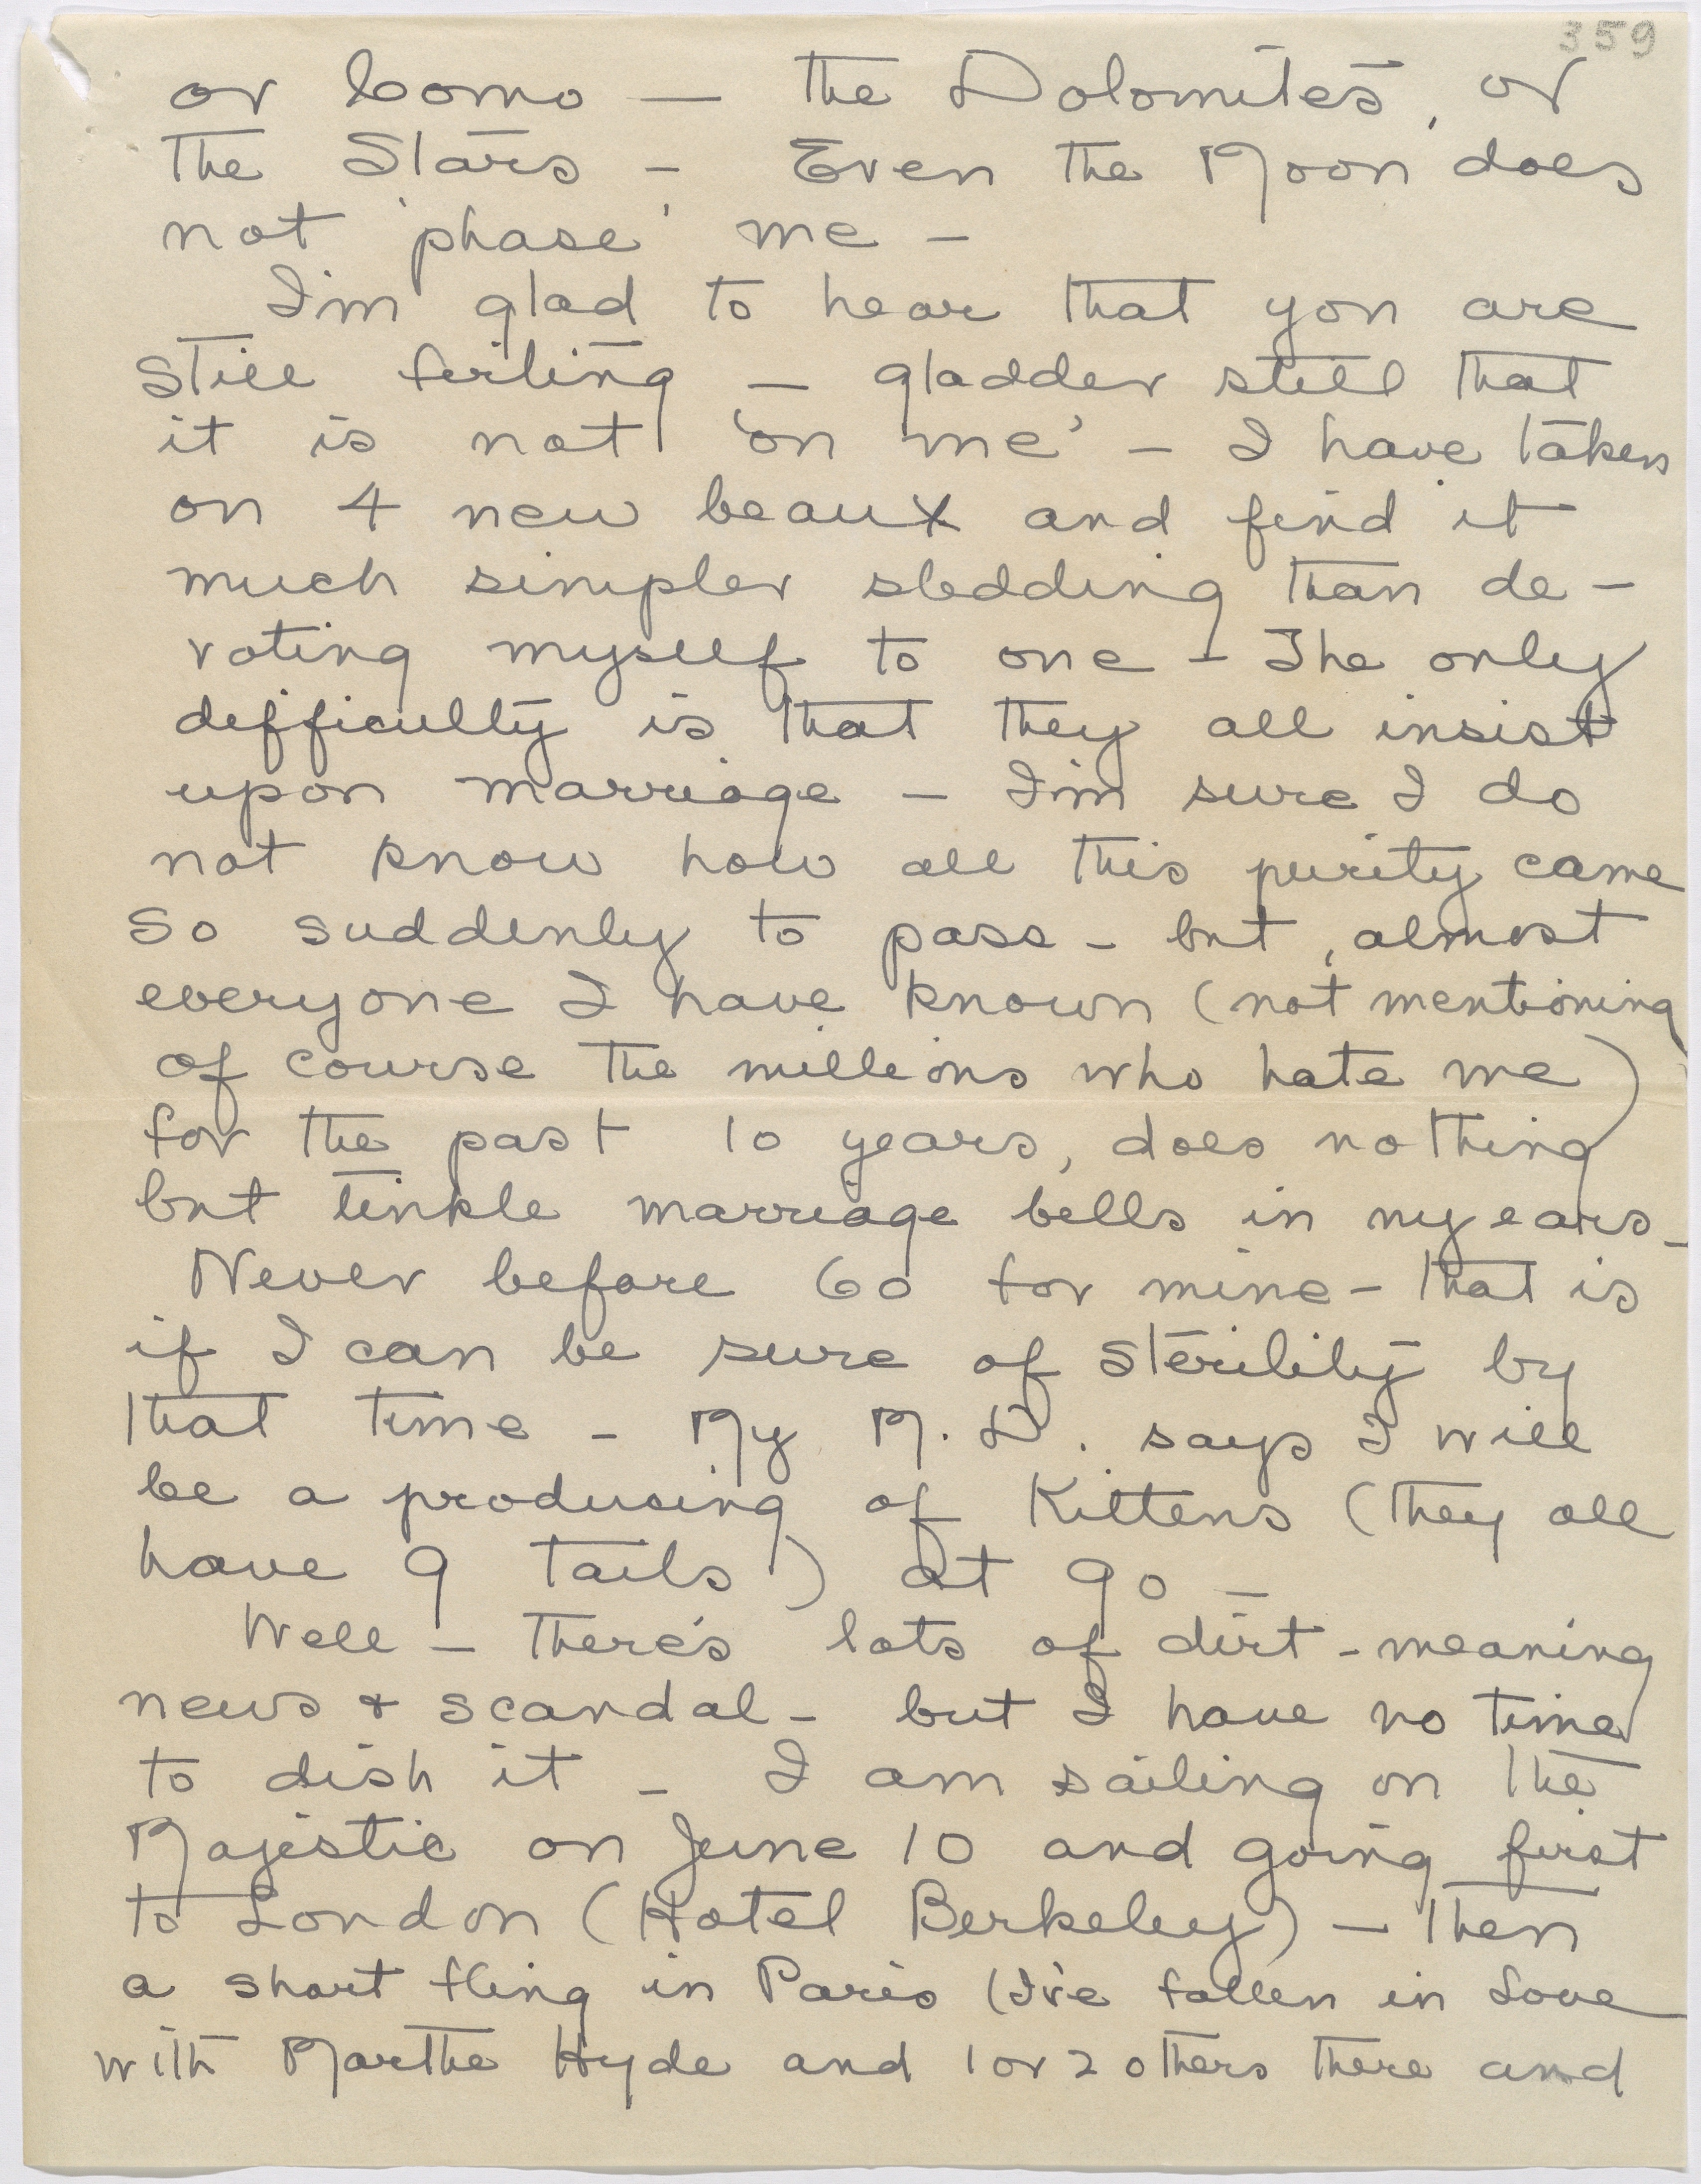or Como – the Dolomites, or The Stars – Even the Moon does not ‘phase’ me –
I’m glad to hear that you are still firting [sic] – gladder still that it is not ‘on me’– I have taken on 4 new beaux and find it much simpler sledding than devoting myself to one – The only difficulty is that they all insist upon marriage – I’m sure I do not know how all this purity came so suddenly to pass – but, almost every one I have known (not mentioning of course the millions who hate me) for the past 10 years, does nothing but tinkle marriage bells in my ears –
Never before 60 for mine – that is if I can be sure of sterility by that time – My M.D. says I will be a producing of kittens (they all have 9 tails) at 90 –
Well – there’s lots of dirt – meaning news & scandal – but I have no time to dish it – I am sailing on the Majestic on June 10 and going first to London (Hotel Berkeley) – then a short fling in Paris (I’ve fallen in Love with Marthe Hyde and 1 or 2 others there and